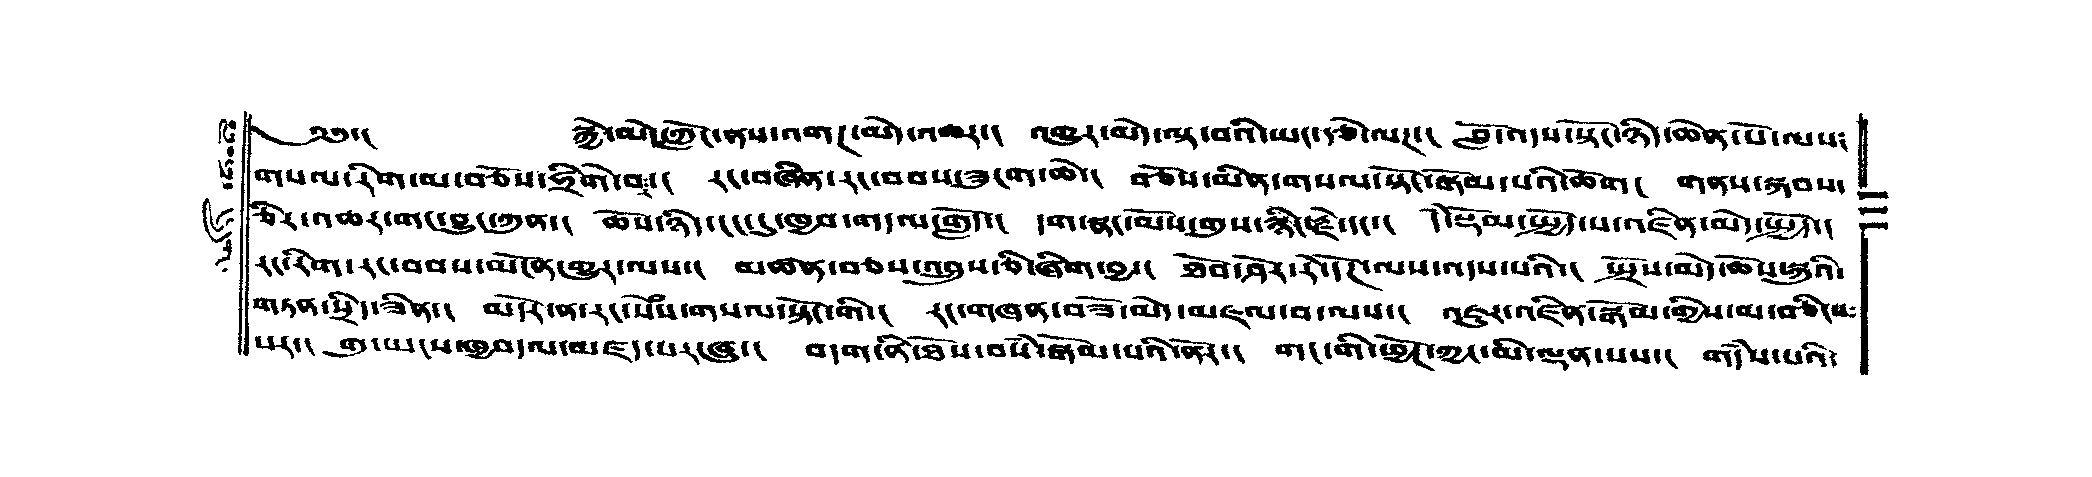སྐྱེ་མེད་ཀློང་ནས་འགག་མེད་འཆར1$1000220། །འགྱུར་མེད་ལྟ་བའི་ཡང་རྩེ་ལགས། །བློ་འདས་སྟོང་ཉིད་ཆེན་པོ་ལས། །
གསལ་རིག་མ་བཅོས་ཧྲིག་གེ་བ། །རང་བཞིན་རང་བབས་ཟུང་འཇུག་ཆེ། །བཅོས་མིན་གསལ་སྟོང་སྒོམ་པའི་མཆོག །གནས་སྐབས་
ཅིར་འཆར་གང་བྱུང་ཀུན། །ཆོས་ཉིད་ངང་དུ་ཁྱབ་བདལ་གློད། །དག་སྣང་མོས་གུས་རྙིང་རྗེ་དང་། །དམ་སྡོམ་སྤྱོད་པ་འཛིན་མེད་སྤྱོད། །
རང་རིག་རང་བབས་མངོན་གྱུར་ལས། །མཚན་བཅས་འབྲས་བུ་ཅི་ཞིག་བྱ། །ཐོབ་ཤོར་རེ་དོགས་ལས་འདས་པའི། །སྤྲོས་མེད་ཆོས་སྐུའི་
གཏན་སྲིད་ཟིན། །མདོར་ན་རང་སེམས་གསལ་སྟོང་གི། །རང་བཞིན་བཟོ་མེད་མཇལ་བ་ལས། །འཇུར་འཛིན་སྒོམ་གྱི་མ་བཅིངས་
བར། །གུ་ཡངས་ཁྱབ་བདལ་མཛད་པར་ཞུ། །བདག་ནི་ཐོས་བསམ་སྒོམ་པའི་ནོར། །གང་གི་ཕྱོགས་ཀྱང་མི་ལྡན་པས། །གདམས་པའི་